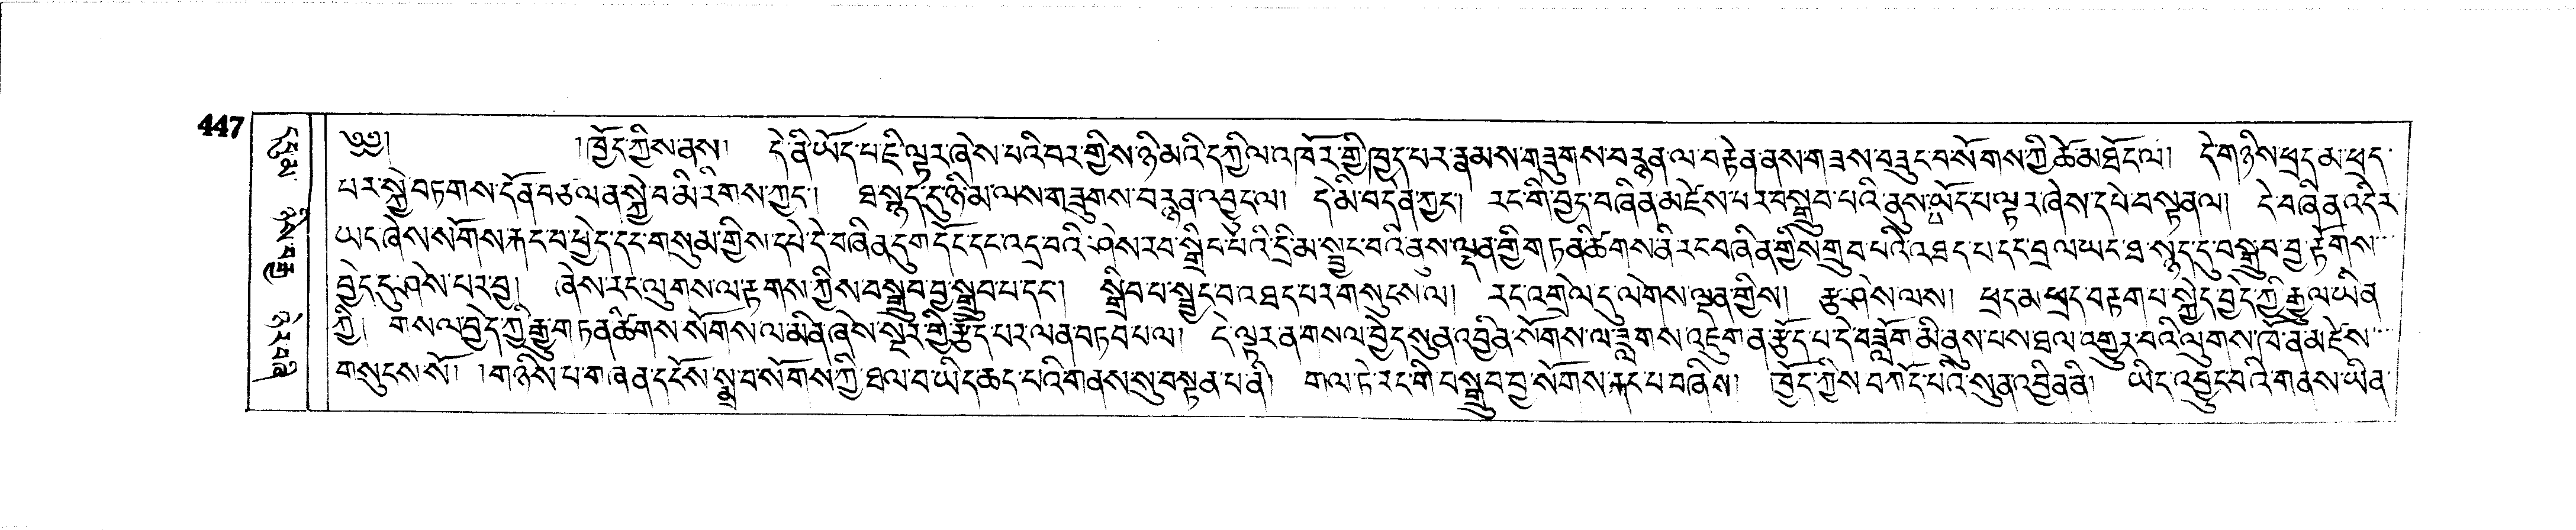༄༅། །ཁྱོད་ཀྱིས་ནས། དེ་ནི་ཡོད་པ་ཇི་ལྟར་ཞེས་པའི་བར་གྱིས་ཉི་མའི་དཀྱིལ་འཁོར་གྱི་ཁྱད་པར་རྣམས་གཟུགས་བརྙན་ལ་བརྟེན་ནས་གཟས་བཟུང་བ་སོགས་ཀྱི་ཚེ་མཐོང་ལ། དེ་གཉིས་ཕྲད་མ་ཕྲད་
པར་སྐྱེ་བཏགས་དོན་བཙལ་ན་སྐྱེ་བ་མི་རིགས་ཀྱང་། ཐ་སྙད་དུ་ཉི་མ་ལས་གཟུགས་བརྙན་འབྱུང་ལ། དེ་མི་བདེན་ཀྱང་། རང་གི་བྱད་བཞིན་མཛེས་པར་བསྒྲུབ་པའི་ནུས་པ་ཡོད་པ་ལྟར་ཞེས་དཔེ་བསྟན་ལ། དེ་བཞིན་འདིར་
ཡང་ཞེས་སོགས་རྐང་པ་ཕྱེད་དང་གསུམ་གྱིས་དཔེ་དེ་བཞིན་དུ་གདོང་དང་འདྲ་བའི་ཤེས་རབ་སྒྲིབ་པའི་དྲི་མ་སྦྱང་བའི་ནུས་ལྡན་གྱི་གཏན་ཚིགས་ནི་རང་བཞིན་གྱིས་སྒྲུབ་པའི་འཐད་པ་དང་བྲལ་ཡང་ཐ་སྙད་དུ་བསྒྲུབ་བྱ་རྟོགས་
བྱེད་དུ་ཤེས་པར་བྱ། ཞེས་རང་ལུགས་ལ་རྟགས་ཀྱིས་བསྒྲུབ་བྱ་སྒྲུབ་པ་དང་། སྒྲིབ་པ་སྦྱང་བ་འཐད་པར་གསུངས་ལ། རང་འགྲེལ་དུ་ལེགས་ལྡན་གྱིས། རྩ་ཤེས་ལ། ཕྲད་མ་ཕྲད་བརྟག་པ་སྐྱེད་བྱེད་ཀྱི་རྒྱུ་ལ་ཡིན་
ཀྱི། གསལ་བྱེད་ཀྱི་རྒྱུ་གཏན་ཚིགས་སོགས་ལ་མིན་ཞེས་སྔར་གྱི་རྩོད་པར་ལན་བཏབ་པ་ལ། དེ་ལྟར་ན་གསལ་བྱེད་སུན་འབྱིན་སོགས་ལ་ཟླགས་འཇུག་ན་རྩོད་པ་དེ་བཟློག་མི་ནུས་པས་ཐལ་འགྱུར་བའི་ལུགས་ཁོ་ན་མཛེས་
གསུངས་སོ། །གཉིས་པ་གཞན་དངོས་སྨྲ་བ་སོགས་ཀྱི་ཐལ་བ་ཡིད་ཆད་པའི་གནས་སུ་བསྟན་པ་ནི། གལ་ཏེ་རང་གི་བསྒྲུབ་བྱ་སོགས་རྐང་པ་བཞིས། ཁྱོད་ཀྱིས་བཀོད་པའི་སུན་འབྱིན་ནི། ཡིད་འབྱུང་བའི་གནས་ཡིན་